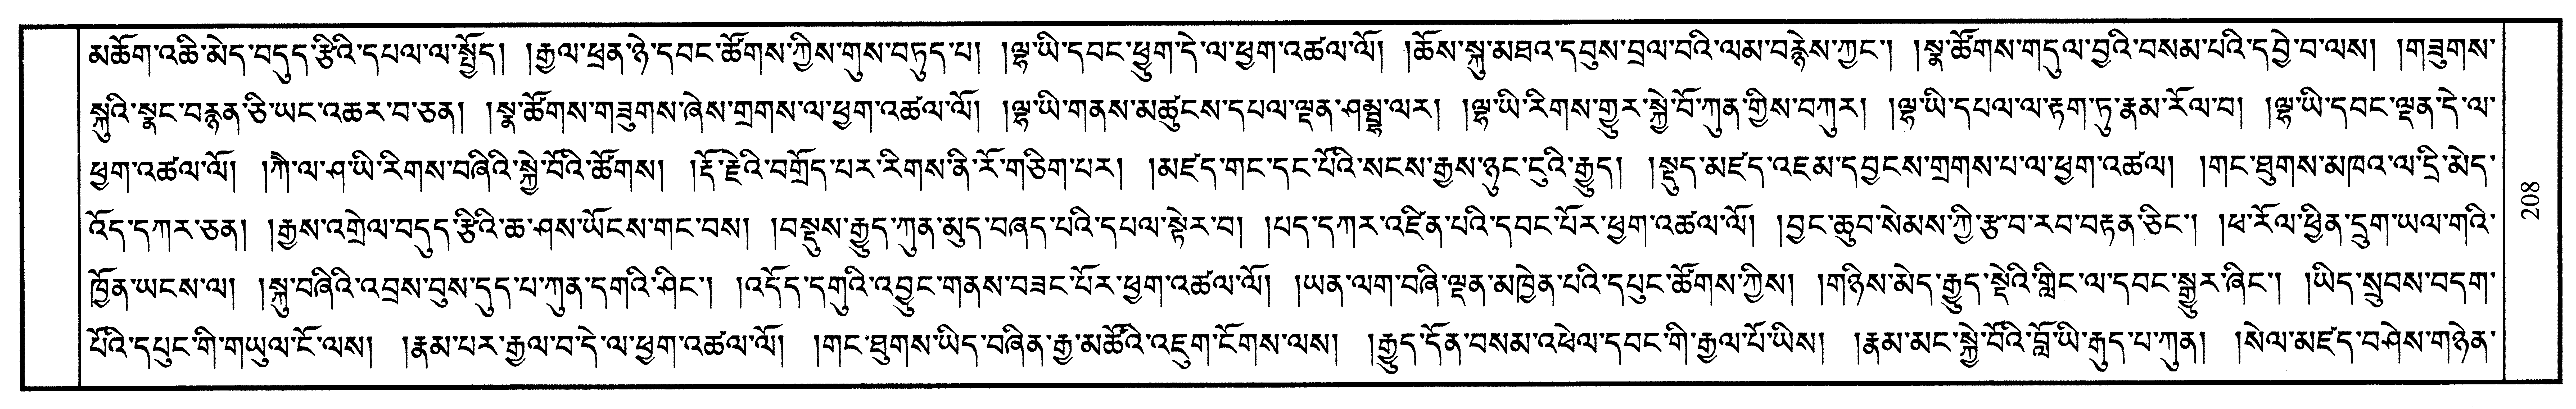མཆོག་འཆི་མེད་བདུད་རྩིའི་དཔལ་ལ་སྤྱོད། །རྒྱལ་ཕྲན་ཉེ་དབང་ཚོགས་ཀྱིས་གུས་བཏུད་པ། །ལྷ་ཡི་དབང་ཕྱུག་དེ་ལ་ཕྱག་འཚལ་ལོ། །ཆོས་སྐུ་མཐའ་དབུས་བྲལ་བའི་ལམ་བརྙེས་ཀྱང་། །སྣ་ཚོགས་གདུལ་བྱའི་བསམ་པའི་དབྱེ་བ་ལས། །གཟུགས་
སྐུའི་སྣང་བརྙན་ཅི་ཡང་འཆར་བ་ཅན། །སྣ་ཚོགས་གཟུགས་ཞེས་གྲགས་ལ་ཕྱག་འཚལ་ལོ། །ལྷ་ཡི་གནས་མཚུངས་དཔལ་ལྡན་ཤམྦྷ་ལར། །ལྷ་ཡི་རིགས་གྱུར་སྐྱེ་བོ་ཀུན་གྱིས་བཀུར། །ལྷ་ཡི་དཔལ་ལ་རྟག་ཏུ་རྣམ་རོལ་བ། །ལྷ་ཡི་དབང་ལྡན་དེ་ལ་
ཕྱག་འཚལ་ལོ། །ཀཻ་ལ་ཤ་ཡི་རིགས་བཞིའི་སྐྱེ་བོའི་ཚོགས། །རྡོ་རྗེའི་བགྲོད་པར་རིགས་ནི་རོ་གཅིག་པར། །མཛད་གང་དང་པོའི་སངས་རྒྱས་ཉུང་ངུའི་རྒྱུད། །སྡུག་མཛད་འཇམ་དབྱངས་གྲགས་པ་ལ་ཕྱག་འཚལ། །གང་ཐུགས་མཁའ་ལ་དྲི་མེད་
འོད་དཀར་ཅན། །རྒྱས་འགྲེལ་བདུད་རྩིའི་ཆ་ཤས་ཡོངས་གང་བས། །བསྡུས་རྒྱུད་ཀུན་མུད་བཞད་པའི་དཔལ་སྟེར་བ། །པད་དཀར་འཛིན་པའི་དབང་པོར་ཕྱག་འཚལ་ལོ། །བྱང་ཆུབ་སེམས་ཀྱི་རྩ་བ་རབ་བརྟན་ཅིང་། །ཕ་རོལ་ཕྱིན་དྲུག་ཡལ་གའི་
ཁྱོན་ཡངས་ལ། །སྐུ་བཞིའི་འབྲས་བུས་དུད་པ་ཀུན་དགའི་ཤིང་། །འདོད་དགུའི་འབྱུང་གནས་བཟང་པོར་ཕྱག་འཚལ་ལོ། །ཡན་ལག་བཞི་ལྡན་མཁྱེན་པའི་དཔུང་ཚོགས་ཀྱིས། །གཉིས་མེད་རྒྱུད་སྡེའི་གླིང་ལ་དབང་སྒྱུར་ཞིང་། །ཡིད་སྲུབས་བདག་
པོའི་དཔུང་གི་གཡུལ་ངོ་ལས། །རྣམ་པར་རྒྱལ་བ་དེ་ལ་ཕྱག་འཚལ་ལོ། །གང་ཐུགས་ཡིད་བཞིན་རྒྱ་མཚོའི་འཇུག་ངོགས་ལས། །རྒྱུད་དོན་བསམ་འཕེལ་དབང་གི་རྒྱལ་པོ་ཡིས། །རྣམ་མང་སྐྱེ་བོའི་བློ་ཡི་རྒུད་པ་ཀུན། །སེལ་མཛད་བཤེས་གཉེན་